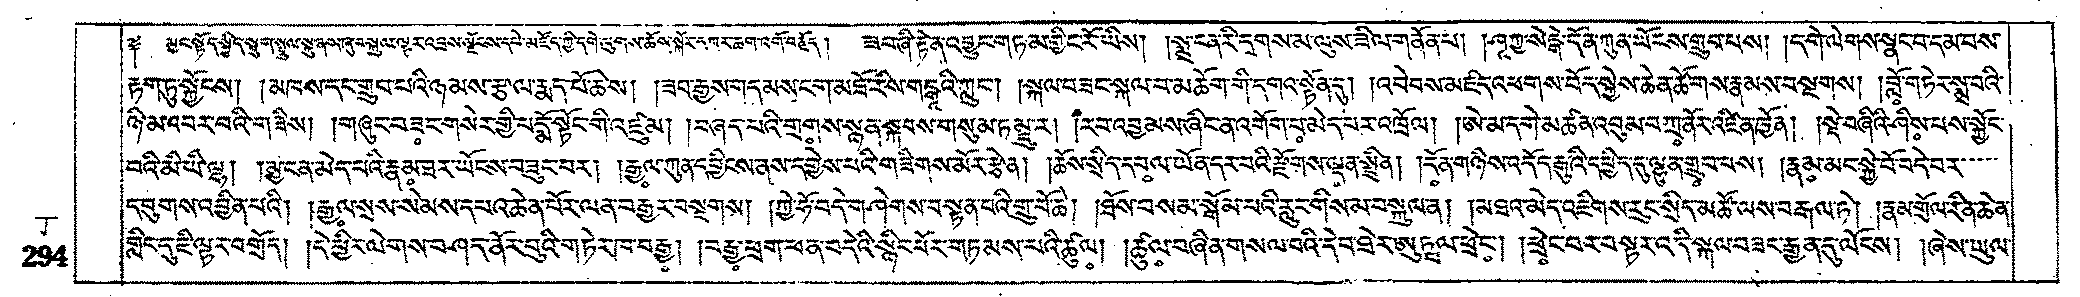འ་མྱང་སྟོད་སྐྱིད་སྦུག་སྤྲུལ་སྐུ་ནས་ཞུ་བསྐུལ་ལྟར་འབྲས་ལྗོངས་དཔེ་མཛོད་ཀྱི་དགེ་ལུགས་ཆོས་སྐོར་དཀར་ཆག་འོག་བརྗོད།  ཟབ་ཞི་རྟེན་འབྱུང་གཏམ་གྱི་ང་རོ་ཡིས། །སྨྲ་ངན་རི་དྭགས་མ་ལུས་ཟིལ་གནོན་པ། །ཤཱཀྱ་སེངྒེ་དོན་ཀུན་ཡོངས་གྲུབ་པས། །དགེ་ལེགས་སྣང་བ་དམ་པས་
རྟག་ཏུ་སྐྱོངས། །མཁས་དང་གྲུབ་པའི་ཉམས་རྩལ་རྨད་པོ་ཆེས། །ཟབ་རྒྱས་གདམས་ངག་མཐོ་རིས་གངྒཱའི་ཀླུང་། །སྐལ་བཟང་སྐལ་བ་མཆོག་གི་དགའ་སྟོན་དུ། །འབེབས་མཛད་འཕགས་བོད་སྐྱེས་ཆེན་ཚོགས་རྣམས་བསྔགས། །བློ྾་གཏེར་སྨྲ་བའི་
ཉི་མ་འབར་བའི་གཟིས། །གཞུང་བཟང྾་གསེར་གྱི་པདམོ་སྟོང་གི་འཛུམ། །བཞད་པའི་གྲགས྾་སྙན་སྐབས་གསུམ་ཏམྦུ་ར། །རབ་འབྱམས་ཞིང་ན་འགོག་པ྾་མེད་པར་འཁྲོལ། །ཨེ་མ་དགེ་མཚན་འབུམ་བཀྲ྾་ནོར་འཛིན་ཁྱོན། །སྡེ་བཞིའི་ཤེས྾་པས་སྐྱོང་
བའི་མི་ཡི་ལྷ། །མྱ་ངན་མེད་པའི་རྣམ྾་ཐར་ཡོངས་བཟུང་བར། །རྒྱལ྾་ཀུན་དབྱིངས་ནས་དགྱེས་པའི་གཟིགས་མོར་རྩེན། །ཆོས་སྲིད་དཔལ྾་ཡོན་དར་བའི་རྫོགས་ལྡན྾་སྤྲིན། །དོན྾་གཉིས་འདོད་རྒུ་འི་དཔྱིད་དུ་ལྷུན་གྲུབ྾་པས། །རྣམ྾་མང་སྐྱེ་བོ་བདེ་བར་་་
དབུགས་འབྱིན་པའི། །རྒྱལ྾་སྲས་སེམས་དཔའ་ཆེན་པོར་ལན་བརྒྱར་བསྔགས། །ཀྱེ་ཧོ་བདེ་གཤེགས་བསྟན་པའི་གྲུ་བོ་ཆེ། །ཐོས་བསམ་སྒོམ་པའི་རླུང་གིས་མ་བསྐུལ་ན། །མཐའ་མེད་འཇིགས་རུང་སྲིད་མཚོ་ལས་བརྒལ་ཏེ། །རྣམ་གྲོལ་རིན་ཆེན་
གླིང་དུ་ཇི་ལྟར་བགྲོད། །དེ་ཕྱིར་ལེགས་བཤད་ནོར་བུའི་གཏེར་ཁ་བརྒྱ྾། །བརྒྱ྾་ཕྲག་ཕན་བདེའི་སྙིང་པོར་གཏམས་པའི་ཚུལ྾། །ཚུལ྾་བཞིན་གསལ་བའི་དེབ་ཐེར་ཨུཏྤལ་ཕྲེང྾། །ཕྲེང྾་བར་བསྟར་འདི་སྐལ་བཟང་རྒྱན་དུ་ལོངས། །ཞེས་ཡུལ་